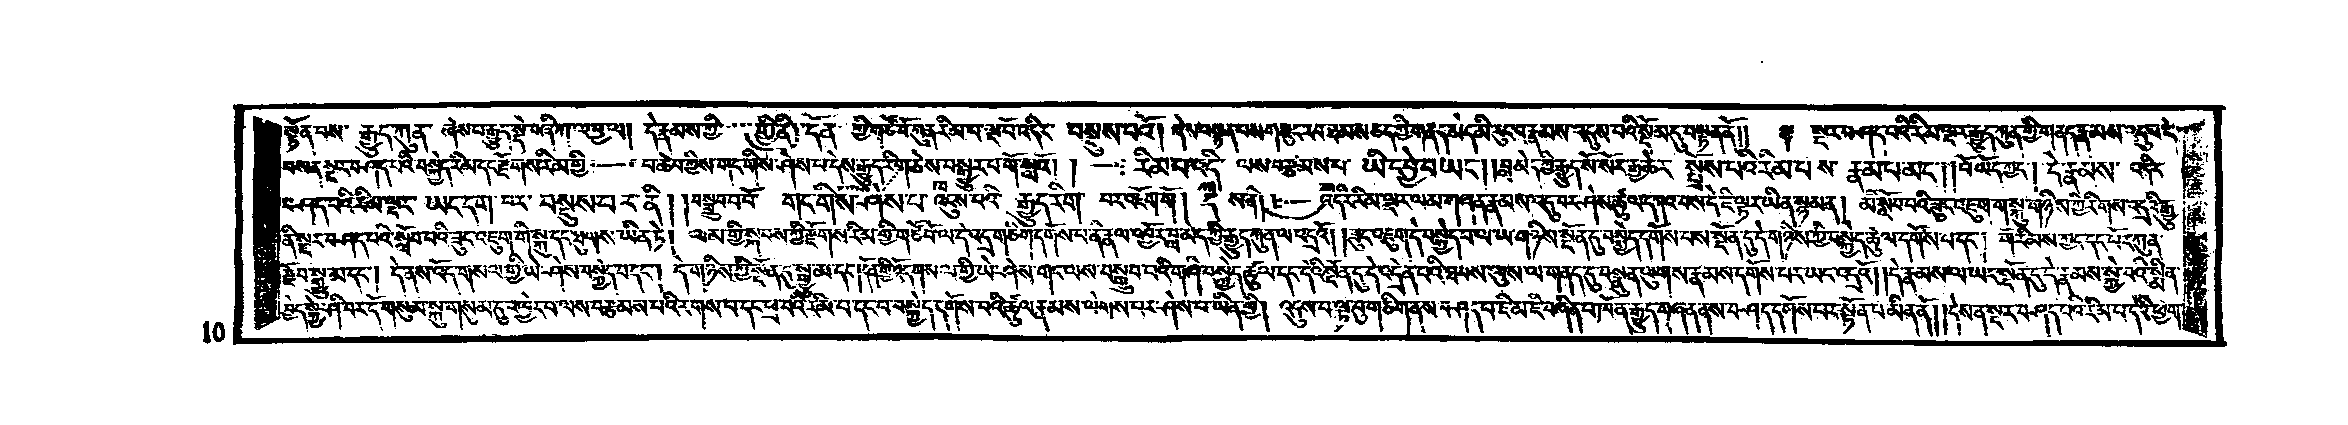སྟོན་པས་རྒྱུད་ཀུན་ཞེས་པ་རྒྱུད་སྡེ་བཞི་ཀ་ལ་བྱ་ལ། དེ་རྣམས་ཀྱི་གྱི་ནི་དོན་གྱི་གཙོ་བོ་ཀུན་རིམ་པ་ལྔ་པོ་འདིར་བསྡུས་པའོ། ཞེས་བསྟན་པས་གསུང་རབ་ཐམས་ཅད་ཀྱི་གནད་མེད་མི་རུང་བ་རྣམས་འདུས་པའི་སྡོམ་དུ་བསྟན་ནོ།། ༈ སྔར་བཤད་པའི་རིམ་ལྔར་རྒྱུད་ཀུན་གྱི་གནད་རྣམས་འདུ་བ་དེ་
བསྟན་སྔར་བཤད་པའི་བསྐྱེད་རིམ་དང་རྫོགས་རིམ་གྱིཿ་པ་ཆེ་བ་ཀྱིས་གང་གིས་ཤེས་པ་དེས་རྒྱུད་རིག་ཅེས་བསྒྱུར་པ་གོ་སླའོ།། .Hརིམ་པ་འདི་ལས་བརྩམས་པ་ཡི་དབྱེ་བ་ཡང་། །བླ་མེད་ཀྱི་རྒྱུད་སོ་སོར་རྒྱ་ཆེར་སྤྲོས་པའི་རིམ་པས་རྣམ་པ་མང་། ། པོ་ཡོད་ཀྱང་།  དེ་རྣམས་འདིར་
བཤད་པའི་རིམ་ལྔར་ཡང་དག་པར་བསྡུས་པར་ནི། །བསྒྲུབ་པ་པོ་གང་གིས་ཤེས་པ་འདུས་པའི་རྒྱུད་རིག་པར་འཇོག་གོ ། དེ་ས་ནི། །H.་འདིར་རིམ་ལྔར་ལམ་གཞན་རྣམས་འདུ་བར་ཤེས་ཚུལ་དཀའ་བས་དེ་ཇི་ལྟར་ཡིན་སྙམ་ན། མི་སློབ་པའི་ཟུང་འཇུག་གི་སྐུ་གཉིས་ཀྱི་རིགས་འདྲའི་རྒྱུ་
ནི་སྔར་བཤད་པའི་སློབ་པའི་ཟུང་འཇུག་གི་སྐུ་དང་ཐུགས་ཡིན་ཏེ། ཡམ་གྱི་སྐབས་ཀྱི་རྫོགས་རིམ་གྱི་གཙོ་བོ་ལ་དེ་འདྲ་གཅིག་དགོས་པ་ནི་རྣལ་འབྱོར་བླ་མེད་ཀྱི་རྒྱུད་ཀུན་ལ་འདྲའོ། །ཟུང་འཇུག་དེ་བསྐྱེད་པ་ལ་ཡ་གཉིས་སྔོན་དུ་བསྐྱེད་དགོས་པས་སྔོན་དུ་དེ་གཉིས་ཀྱི་བསྐྱེད་ཚུལ་དགོས་པ་དང་། གོ་རིམས་ཀྱང་དང་པོར་ཀུན་
རྫོབ་སྒྱུ་མ་དང་། དེ་ནས་འོད་གསལ་གྱི་ཡེ་ཤེས་བསྐྱེད་པ་དང་། དེ་གཉིས་ཀྱི་སྔོན་དུ་སྒྱུ་མ་དང་། དོན་གྱི་འོད་གསལ་གྱི་ཡེ་ཤེས་གང་ལས་བསྒྲུབ་པའི་གཞི་བསྐྱེད་ཚུལ་དང་དེའི་སྔོན་དུ་དེ་འདྲེན་པའི་ཐབས་ལུས་ལ་གནད་དུ་བསྣུན་ལུགས་རྣམས་དགོས་པར་ཡང་འདྲའོ། །དེ་རྣམས་ལ་ཡང་སྔོན་དུ་དེ་རྣམས་སྐྱེ་བའི་སྨིན་
བྱེད་སྐྱེ་ཤི་བར་དོ་གསུམ་སྐུ་གསུམ་དུ་འཁྱེར་པ་ལས་བརྩམས་པའི་རགས་པ་དང་ཕྲ་བའི་རིམ་པ་དང་པོ་བསྐྱེད་དགོས་པའི་ཚུལ་རྣམས་ལེགས་པར་ཤེས་པ་ཡིན་གྱི། འདུས་པ་ལྟ་བུ་གཅིག་ནས་བཤད་པ་ཇི་མ་ཇི་བཞིན་པ་ཁོ་ན་རྒྱུད་གཞན་ནས་བཤད་དགོས་པར་སྟོན་པ་མིན་ནོ། །དེས་ན་སྔར་བཤད་པའི་རིམ་པ་དེའི་ཕྱག་